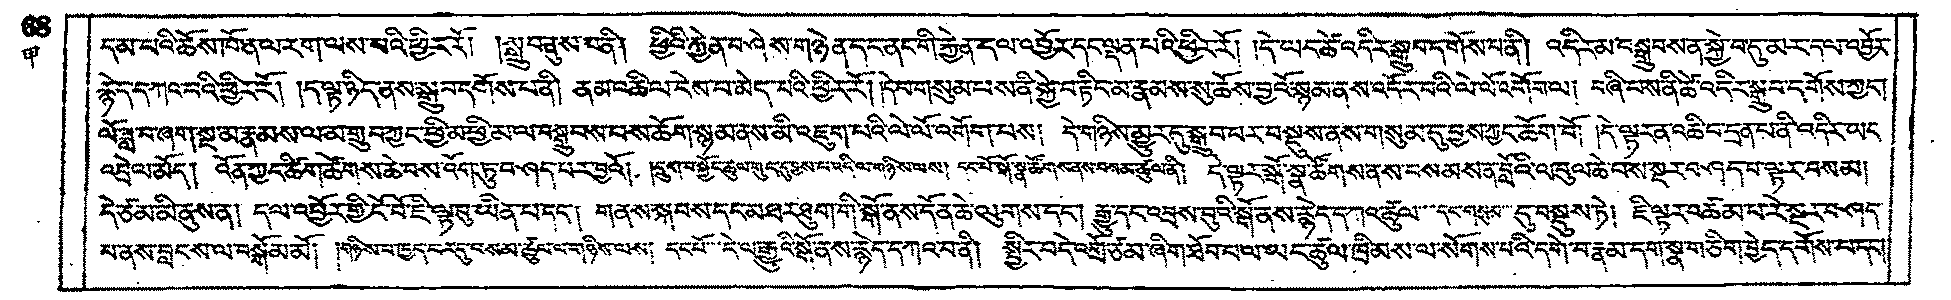དམ་པའི་ཆོས་ཁོ་ན་ལ་རག་ལས་པའི་ཕྱིར་རོ། །སྒྲུབ་ནུས་པ་ནི། ཕྱིའི་རྐྱེན་བཤེས་གཉེན་དང་ནང་གི་རྐྱེན་དལ་འབྱོར་དང་ལྡན་པའི་ཕྱིར་རོ། །དེ་ཡང་ཚེ་འདིར་སྒྲུབ་དགོས་པ་ནི། འདིར་མ་བསྒྲུབས་ན་སྐྱེ་བ་དུ་མར་དལ་འབྱོར་
རྙེད་དཀའ་བའི་ཕྱིར་རོ། །ད་ལྟ་ཉིད་ནས་སྒྲུབ་དགོས་པ་ནི། ནམ་འཆིལ་ངེས་པ་མེད་པའི་ཕྱིར་རོ། །དེ་ལ་གསུམ་པས་ནི་སྐྱེ་བ་རྟིང་མ་རྣམས་སུ་ཆོས་བྱའོ་སྙམ་ནས་འདོར་བའི་ལེ་ལོ་འགོག་ལ། བཞི་པས་ནི་ཚེ་འདིར་སྒྲུབ་དགོས་ཀྱང་།
ལོ་ཟླ་བ་ཞག་སྔ་མ་རྣམས་ལ་མ་གྲུབ་ཀྱང་ཕྱི་མ་ཕྱི་མ་ལ་བསྒྲུབས་པས་ཆོག་སྙམ་ནས་མི་འཇུག་པའི་ལེ་ལོ་འགོག་པས། དེ་གཉིས་མྱུར་དུ་སྒྲུབ་པར་བསྡུས་ནས་གསུམ་དུ་བྱས་ཀྱང་ཆོག་གོ །དེ་ལྟར་ན་འཆི་བ་དྲན་པ་ནི་འདིར་ཡང་
འབྲེལ་མོད། འོན་ཀྱང་ཚིག་ཚེགས་ཆེ་བས་འོག་ཏུ་བཤད་པར་བྱའོ། །དྲུག་པ་སྐྱོང་ཆུལ་གུད་དུ་བྱས་པ་འདི་ལ་གཉིས་ལས། དང་པོ་སྒོ་སྣ་ཚོགས་ནས་བསམ་ཚུལ་ནི།  དེ་ལྟར་སྒོ་སྣ་ཚོགས་ནས་བསམས་ན་བློའི་འཁྲུལ་ཆེ་བས་སྔར་བཤད་པ་ལྟར་བསམ།
དེ་ཙམ་མི་ནུས་ན། དལ་འབྱོར་གྱི་ངོ་བོ་ཇི་ལྟ་བུ་ཡིན་པ་དང་། གནས་སྐབས་དང་མཐར་ཐུག་གི་སྒོ་ནས་དོན་ཆེ་ལུགས་དང་། རྒྱུ་དང་འབྲས་བུའི་སྒོ་ནས་རྙེད་དཀའ་ཚུལདང་གསུམདུ་བསྡུས་ཏེ། ཇི་ལྟར་འཚམ་པ་རེ་སྔར་བཤད་
པ་ནས་བླངས་ལ་བསྒོམ་མོ། ། གཉིས་པ་ཁྱད་པར་དུ་བསམ་ཚུལ་ལ་གཉིས་ལས། དང་པོདེ་ལ་རྒྱུའི་སྒོ་ནས་རྙེད་དཀའ་བ་ནི། སྤྱིར་བདེ་འགྲོ་ཙམ་ཞིག་ཐོབ་པ་ལ་ཡང་ཚུལ་ཁྲིམས་ལ་སོགས་པའི་དགེ་བ་རྣམ་དག་སྣ་གཅིག་བྱེད་དགོས་པ་དང་།